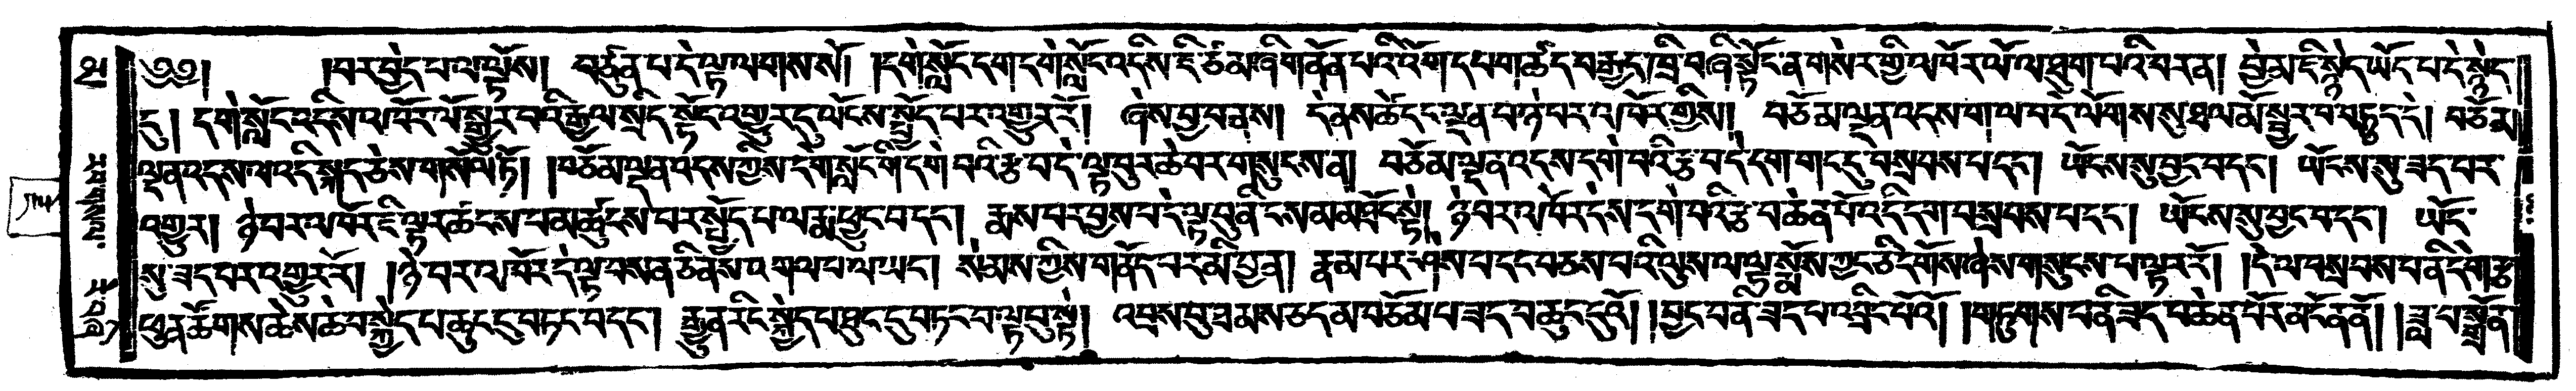༄༅། །བར་བྱེད་པ་ལ་ལྟོས། བཙུན་པ་དེ་ལྟ་ལགས་སོ། །དགེ་སློང་དག་དགེ་སློང་འདིས་ཇི་ཙམ་ཞིག་ནོན་པའི་འོག་དཔག་ཚད་བརྒྱད་ཁྲི་བཞི་སྟོང་ན་གསེར་གྱི་འཁོར་ལོ་ལ་ཐུག་པའི་བར་ན། བྱེ་མ་ཇི་སྙེད་ཡོད་པ་དེ་སྙེད་
དུ། དགེ་སློང་འདིས་འཁོར་ལོ་སྒྱུར་བའི་རྒྱལ་སྲིད་སྟོང་འགྱུར་དུ་ལོངས་སྤྱོད་པར་འགྱུར་རོ། ཞེས་བྱ་བ་ནས། དེ་ནས་ཚེ་དང་ལྡན་པ་ཉེ་བར་འཁོར་གྱིས། བཅོམ་ལྡན་འདས་ག་ལ་བ་དེ་ལོགས་སུ་ཐལ་མོ་སྦྱར་བ་བཏུད་དེ། བཅོམ་
ལྡན་འདས་ལ་འདི་སྐད་ཅེས་གསོལ་ཏོ། །བཅོམ་ལྡན་འདས་ཀྱིས་དགེ་སློང་གི་དགེ་བའི་རྩ་བ་དེ་ལྟ་བུར་ཆེ་བར་གསུངས་ན། བཅོམ་ལྡན་འདས་དགེ་བའི་རྩ་བ་དེ་དག་གང་དུ་བསྲབས་པ་དང་། ཡོངས་སུ་བྱང་བ་དང་། ཡོངས་སུ་ཟད་པར་
འགྱུར། ཉེ་བར་འཁོར་ཇི་ལྟར་ཚངས་པ་མཚུངས་པར་སྤྱོད་པ་ལ་རྨ་ཕྱུང་བ་དང་། རྨས་པར་བྱས་པ་དེ་ལྟ་བུ་ནི་ངས་མ་མཐོང་སྟེ། ཉེ་བར་འཁོར་དེས་དགེ་བའི་རྩ་བ་ཆེན་པོ་འདི་དག་བསྲབས་པ་དང་། ཡོངས་སུ་བྱང་བ་དང་། ཡོངས་
སུ་ཟད་པར་འགྱུར་རོ། །ཉེ་བར་འཁོར་དེ་ལྟ་བས་ན་ཅི་ནས་འགལ་བ་ལ་ཡང་། སེམས་ཀྱིས་གནོད་པར་མི་བྱ་ན། རྣམ་པར་ཤེས་པ་དང་བཅས་པའི་ལུས་ལ་ལྟ་སྨོས་ཀྱང་ཅི་དགོས་ཞེས་གསུངས་པ་ལྟར་རོ། །དེ་ལ་བསྲབས་པ་ནི་དགེ་རྩ་
ཕུན་ཚོགས་ཆེས་ཆེ་བ་སྐྱེད་པ་ཆུང་ངུ་བཏང་བ་དང་། རྒྱུན་རིང་སྐྱེད་པ་ཐུང་ངུ་བཏང་བ་ལྟ་བུ་སྟེ། འབྲས་བུ་ཐམས་ཅད་མ་བཅོམ་པ་ཟད་པ་ཆུང་ངུའི། །བྱང་བ་ནི་ཟད་པ་འབྲིང་པོའི། །གཏུགས་པ་ནི་ཟད་པ་ཆེན་པོར་མངོན་ནོ། །ཟླ་བ་སྒྲོན་